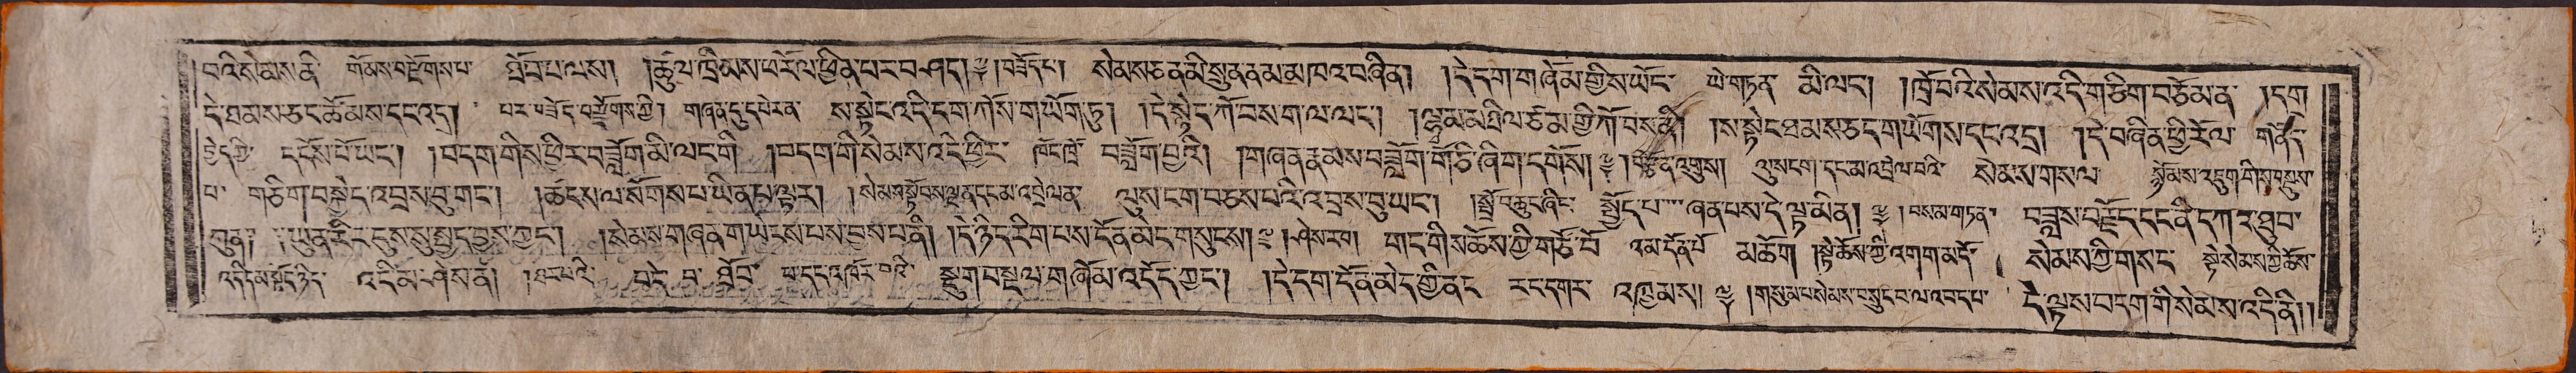བའི་སེམས་ནི་གོམས་པ་རྫོགས་པ་ཐོབ་པ་ལས། །ཚུལ་ཁྲིམས་ཕ་རོལ་ཕྱིན་པར་བཤད། ༈ །བཟོད་པ།  སེམས་ཅན་མི་སྲུན་ནམ་མཁའ་བཞིན། །དེ་དག་གཞོམ་གྱིས་ཡོང་ཡོ་གཏན་མི་ལང་། །ཁྲོ་བའི་སེམས་འདི་གཅིག་བཅོམ་ན། །དགྲ་
དེ་ཐམས་ཅད་ཆོམས་དང་འདྲ། །བར་བཟོད་པ་རྫོགས་ཀྱི། གཞན་དུ་དཔེར་ན་ས་སྟེང་འདི་དག་གོས་གཡོག་ཏུ། །དེ་སྙེད་ཀོ་བས་ག་ལ་ལང་། །ལྷམ་མཐིལ་ཙམ་གྱི་གོ་བས་ནི། །ས་སྟེང་ཐམས་ཅད་གཡོགས་དང་འདྲ། །དེ་བཞིན་ཕྱི་རོལ་གནོད་
བྱེད་ཀྱི་དངོས་པོ་ཡང་། །བདག་གིས་ཕྱིར་བཟློག་མི་ལང་གི །བདག་གི་སེམས་འདི་ཕྱིར་ཁོང་ཁྲོ་བཟློག་བྱའི། །གཞན་རྣམས་བཟློག་གོ་ཅི་ཞིག་དགོས། ༈ །བརྩོན་འགྲུས། ལུས་ངག་དང་མ་འབྲེལ་བའི་སེམས་གསལ་བོ་སྙོམས་འཇུག་གིས་བསྡུས་
པ་གཅིག་བསྐྱེད་འབྲས་བུ་གང་། །ཚངས་ལ་སོགས་པ་ཡིན་པ་ལྟར། །སེམས་སྟོབས་ལྡན་དང་མ་འབྲེལ་ན་ལུས་ངག་བཅས་པའི་འབྲས་བུ་ཡང་། །སྤྲོ་བ་ཆུང་ཞིང་སྤྱོད་པ་ཞན་པས་དེ་ལྟ་མིན། ༈ །བསམ་གཏན།  བཟླས་བརྗོད་དང་ནི་དཀའ་ཐུབ་
ཀུན༑ ༑ཡུན་རིང་དུས་སུ་སྤྱད་བྱས་ཀྱང་། །སེམས་གཞན་གཡེངས་པས་བྱས་པ་ནི། །དེ་ཉིད་རིག་པས་དོན་མེད་གསུངས། ༈ །ཤེས་རབ། གང་གིས་ཆོས་ཀྱི་གཙོ་བོ་འམ་དོན་པོ་མཆོག །སྟེ་ཆོས་ཀྱི་འགག་མདོ་སེམས་ཀྱི་གསང་སྟེ་སེམས་ཀྱི་ཆོས་
ཉིད་དམ་སྟོང་ཉིད་འདི་མ་ཤེས་ན། །ཐར་པའི་བདེ་བ་ཐོབ་པ་དང་འཁོར་བའི་སྡུག་བསྔལ་གཞོམ་འདོད་ཀྱང་། །དེ་དག་དོན་མེད་གྱི་ནར་རང་དགར་འཁྱམས། ༈ །གསུམ་པ་སེམས་བསྲུང་བ་ལ་འབད་པ།  དེ་ལྟས་བདག་གི་སེམས་འདི་ནི། །